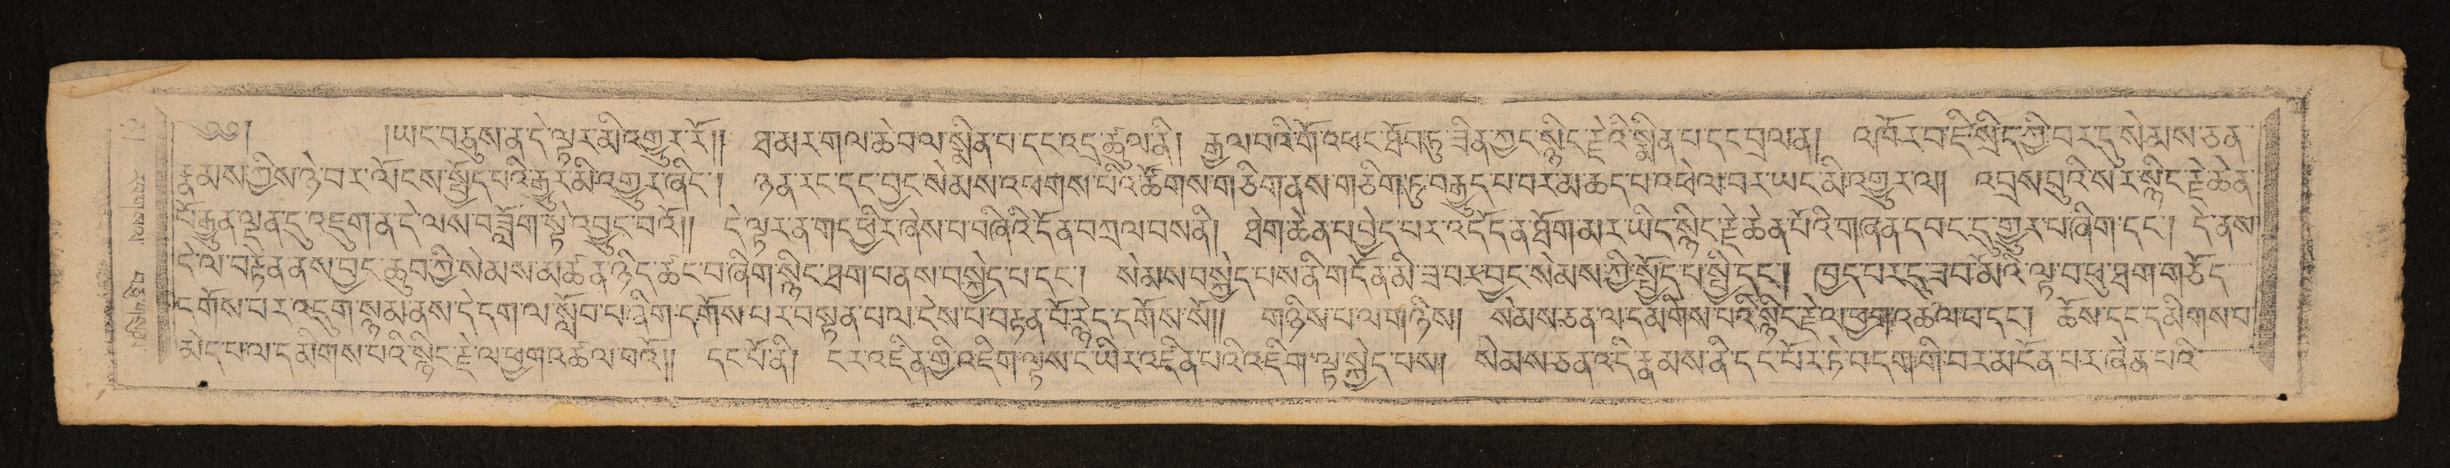༄༅། །ཡང་བཅུས་ན་དེ་ལྟར་མི་འགྱུར་རོ།། ཐ་མར་གལ་ཆེ་བ་ལ་སྨིན་པ་དང་འདྲ་ཚུལ་ནི། རྒྱལ་བའི་གོ་འཕང་ཐོབ་ཏུ་ཟིན་ཀྱང་སྙིང་རྗེའི་སྨིན་པ་དང་བྲལ་ན། འཁོར་བ་ཇི་སྲིད་ཀྱི་བར་དུ་སེམས་ཅན་
རྣམས་ཀྱིས་ཉེ་བར་ལོངས་སྤྱོད་པའི་རྒྱུར་མི་འགྱུར་ཞིང་། ཉན་རང་དང་བྱང་སེམས་འཕགས་པའི་ཚོགས་གཅིག་ནས་གཅིག་ཏུ་བརྒྱུད་པ་བར་མ་ཆད་པ་འཕེལ་བར་ཡང་མི་འགྱུར་ལ། འབྲས་བུའི་སར་སྙིང་རྗེ་ཆེན་
པོ་རྒྱུན་ལྡན་དུ་འཇུག་ན་དེ་ལས་བཟློག་སྟེ་འབྱུང་བའོ།། དེ་ལྟར་ན་གང་ཕྱིར་ཞེས་པ་བཞིའི་དོན་བཀྲལ་བས་ནི། ཐེག་ཆེན་པ་བྱེད་པར་འདོད་ན་ཐོག་མར་ཡིད་སྙིང་རྗེ་ཆེན་པོའི་གཞན་དབང་དུ་གྱུར་པ་ཞིག་དང་། དེ་ནས་
དེ་ལ་བརྟེན་ནས་བྱང་ཆུབ་ཀྱི་སེམས་མཚན་ཉིད་ཚང་བ་ཞིག་སྙིང་ཐག་པ་ནས་བསྐྱེད་པ་དང་། སེམས་བསྐྱེད་པས་ནི་གདོན་མི་ཟ་བར་བྱང་སེམས་ཀྱི་སྤྱོད་པ་སྤྱི་དང་། ཁྱད་པར་དུ་ཟབ་མོའི་ལྟ་བ་ཕུ་ཐག་གཅོད་
དགོས་པར་འདུག་སྙམ་ནས་དེ་དག་ལ་སློབ་པ་ཞིག་དགོས་པར་བསྟན་པ་ལ་ངེས་པ་བརྟན་པོ་རྙེད་དགོས་སོ།། གཉིས་པ་ལ་གཉིས། སེམས་ཅན་ལ་དམིགས་པའི་སྙིང་རྗེ་ལ་ཕྱག་འཚལ་བ་དང་། ཆོས་དང་དམིགས་པ་
མེད་པ་ལ་དམིགས་པའི་སྙིང་རྗེ་ལ་ཕྱག་འཚལ་བའོ།། དང་པོ་ནི། ངར་འཛིན་གྱི་འཇིག་ལྟས་ང་ཡིར་འཛིན་པའི་འཇིག་ལྟ་སྐྱེད་པས། སེམས་ཅན་འདི་རྣམས་ནི་དང་པོར་ཏེ་བདག་གི་བར་མངོན་པར་ཞེན་པའི་